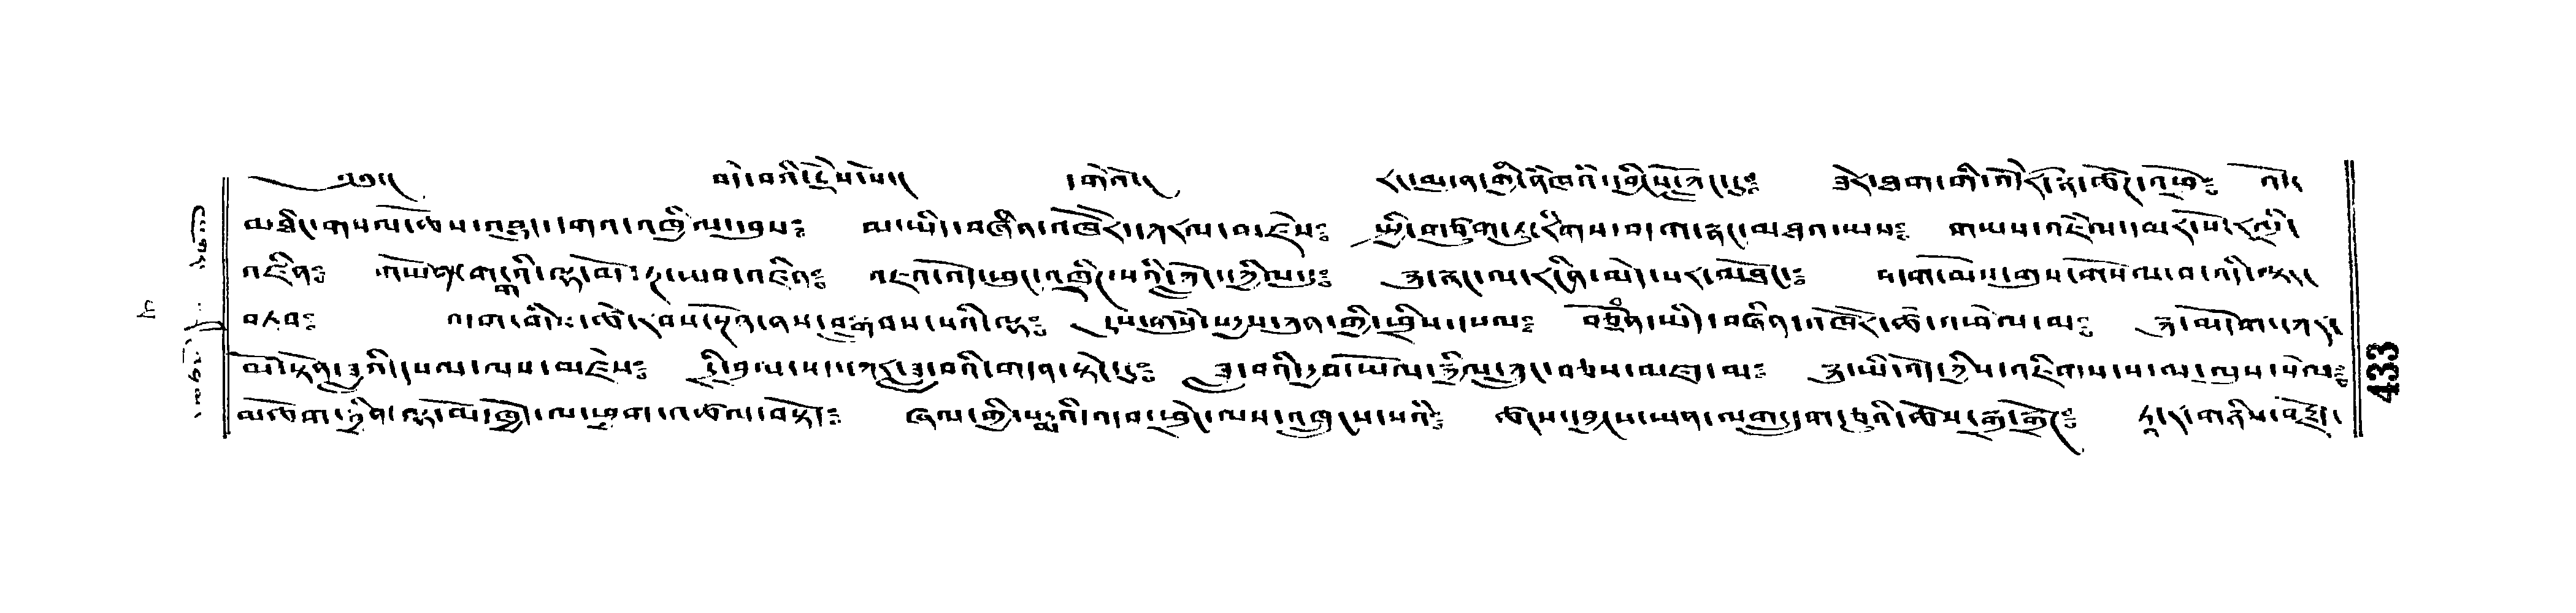བདེ་བའི་རྡོ་རྗེས་སོ།། དགེའོ།། རང་མདུན་གྱི་ནམ་མཁའི་དབྱིངས་ཀློང་དུ༔ ཟེར་ཐག་གི་འོད་ཟེར་སྣ་ཚོགས་འཕྲོ༔ འོད་
མཐིང་གསལ་ཆོས་འབྱུང་དགའ་འཁྱིལ་དབུས༔ མ་ཡིད་བཞིན་འཁོར་ལོ་དཀར་གསལ་མཛེས༔ སྤྱི་གཙུག་ཏུ་རིགས་བདག་སྣང་མཐའ་ཡས༔ གཡས་འཇམ་དཔལ་དམར་པོ་རལ་གྲི་
འཛིན༔ གཡོན་གངྒའི་ལྷ་མོ་རྔ་ཡབ་འཛིན༔ འཇའ་འོད་ཕུང་འཁྲིགས་པའི་ཀློང་དཀྱིལ་དུ༔ སྐུ་སྣང་ལ་རང་བཞིན་མེད་པར་མཐོང༔ བདག་མོས་གུས་ཀྱིས་གསོལ་བ་འདི་ལྟར་
བཏབ༔ བདག་གིས་ཚེ་རབས་སྔོན་ནས་བསྒྲུབས་པའི་ལྷ༔ དུས་གསུམ་སངས་རྒྱས་ཀུན་གྱི་ཕྲིན་ལས་དཔལ༔ བཅོམ་ལྡན་ཡིད་བཞིན་འཁོར་ལོ་ཚེ་འཕེལ་མ༔ སྐུ་མདོག་དཀར་
མོ་སྟོན་ཟླའི་དཔལ་ནས་མཛེས༔ དྲི་བྲལ་པད་དཀར་ཟླ་བའི་གདན་སྟེང་དུ༔ ཟླ་བའི་རྒྱབ་ཡོལ་སྐྱིལ་ཀྲུང་བཅས་མཛད་མ༔ སྐུ་ཡི་འོད་ཀྱིས་འཇིགས་པ་མ་ལུས་སེལ༔ 
མཆོག་སྦྱིན་ལྷ་མོ་ཁྱོད་ལ་ཕྱག་འཚལ་བསྟོད༔ ཞལ་གྱི་པདྨའི་འདབ་ཕྲེང་ལས་འཁྲུངས་པའི༔ ཚངས་དབྱངས་ཡན་ལག་དྲུག་ཅུའི་ཆོས་སྒྲ་སྒྲོག༔ ཏཱ་ར་གཉིས་བརྗོད་